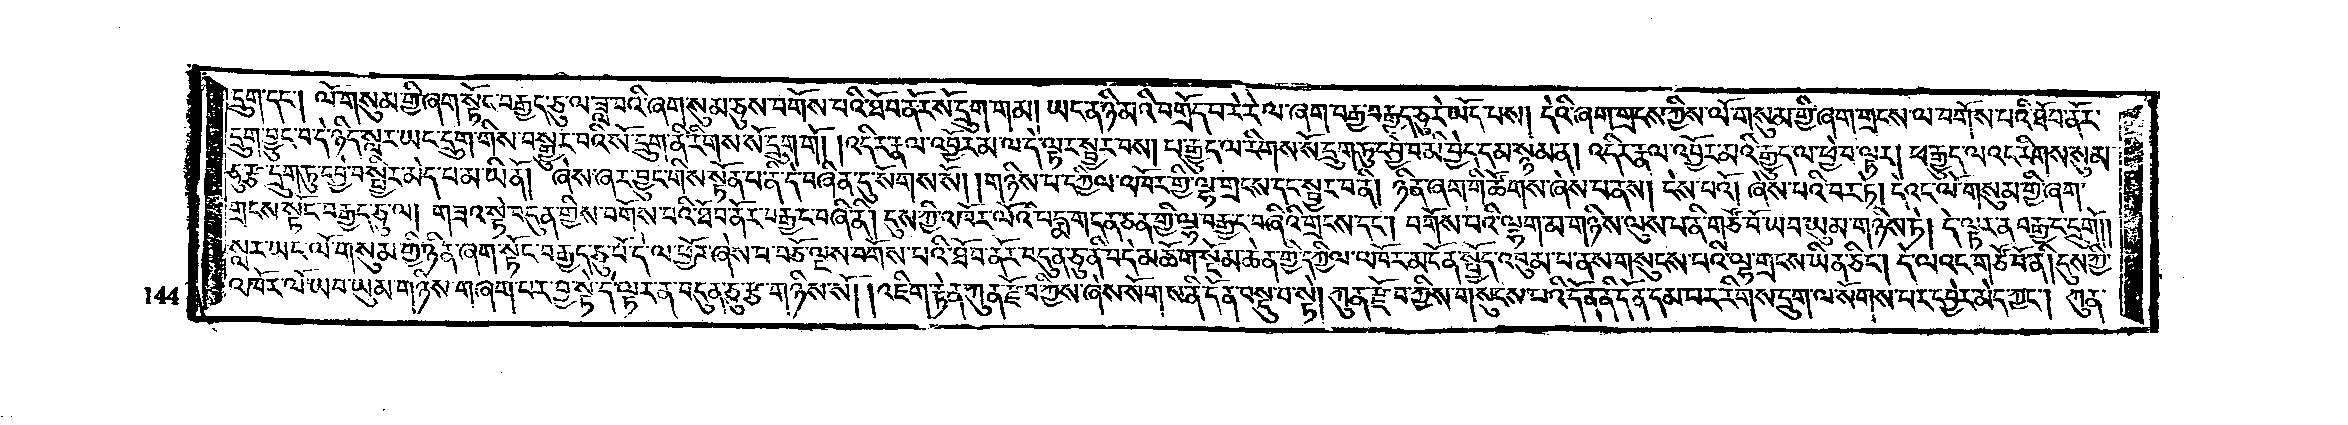དྲུག་དང་། ལོ་གསུམ་གྱི་ཞག་སྟོང་བརྒྱད་ཅུ་ལ་ཟླ་བའི་ཞག་སུམ་ཅུས་བགོས་པའི་ཐོབ་ནོར་སོ་དྲུག་གམ། ཡང་ན་ཉི་མའི་བགྲོད་པ་རེ་རེ་ལ་ཞག་བརྒྱ་བརྒྱད་ཅུ་རེ་ཡོད་པས། དེའི་ཞག་གྲངས་ཀྱིས་ལོ་གསུམ་གྱི་ཞག་གྲངས་ལ་བགོས་པའི་ཐོབ་ནོར་
དྲུག་བྱུང་བ་དེ་ཉིད་སླར་ཡང་དྲུག་གིས་བསྒྱུར་བའི་སོ་དྲུག་ནི་རིགས་སོ་དྲུག་གོ །འདིར་རྣལ་འབྱོར་མ་ལ་དེ་ལྟར་སྦྱར་བས། པ་རྒྱུད་ལ་རིགས་སོ་དྲུག་ཏུ་དབྱེ་བ་མི་བྱེད་དམ་སྙམ་ན། འདིར་རྣལ་འབྱོར་མའི་རྒྱུད་ལ་ཕྱེ་བ་ལྟར། ཕ་རྒྱུད་ལའང་རིགས་སུམ་
ཅུ་རྩ་དྲུག་ཏུ་དབྱེ་བ་སྤྱིར་མེད་པ་མ་ཡིན་ནོ། ཞེས་ཞར་བྱུང་གིས་སྟོན་པ་ནི་དེ་བཞིན་དུ་སོགས་སོ། །གཉིས་པ་དཀྱིལ་འཁོར་གྱི་ལྷ་གྲངས་དང་སྦྱར་བ་ནི། ཉིན་ཞག་གི་ཚོགས་ཞེས་པ་ནས། ངེས་པའོ། ཞེས་པའི་བར་ཏེ། དེའང་ལོ་གསུམ་གྱི་ཞག་
གྲངས་སྟོང་བརྒྱད་ཅུ་ལ། གཟའ་སྟེ་བདུན་གྱིས་བགོས་པའི་ཐོབ་ནོར་བརྒྱང་བཞི་ནི། དུས་ཀྱི་འཁོར་ལོའི་པདམ་གདན་ཅན་གྱི་ལྷ་བརྒྱང་བཞིའི་གྲངས་དང་། བགོས་པའི་ལྷག་མ་གཉིས་ལུས་པ་ནི་གཙོ་བོ་ཡབ་ཡུམ་གཉིས་ཏེ། དེ་ལྟར་ན་བརྒྱང་དྲུག་གོ ། །
སླར་ཡང་ལོ་གསུམ་གྱི་ཉིན་ཞག་སྟོང་བརྒྱད་ཅུ་པོ་དེ་ལ་ཕྱོགས་ཞེས་པ་བཅོ་ལྔས་བགོས་པའི་ཐོབ་ནོར་བདུན་ཅུ་ནི་བདེ་མཆོག་སྡོམ་ཆེན་གྱི་དཀྱིལ་འཁོར་མངོན་སྤྱོད་འབུམ་པ་ནས་གསུངས་པའི་ལྷ་གྲངས་ཡིན་ཅིང་། དེ་ལའང་གཙོ་བོ་ནི། དུས་ཀྱི་
འཁོར་ལོ་ཡབ་ཡུམ་གཉིས་གཞག་པར་བྱ་སྟེ་དེ་ལྟར་ན་བདུན་ཅུ་རྩ་གཉིས་སོ། །འཇིག་རྟེན་ཀུན་རྫོབ་ཀྱིས་ཞེས་སོགས་ནི་དོན་བསྡུ་བ་སྟེ། ཀུན་རྫོབ་ཀྱིས་གསུངས་པའི་དོན་ནི་དོན་དམ་པར་རིགས་དྲུག་ལ་སོགས་པར་དབྱེར་མེད་ཀྱང་། ཀུ་